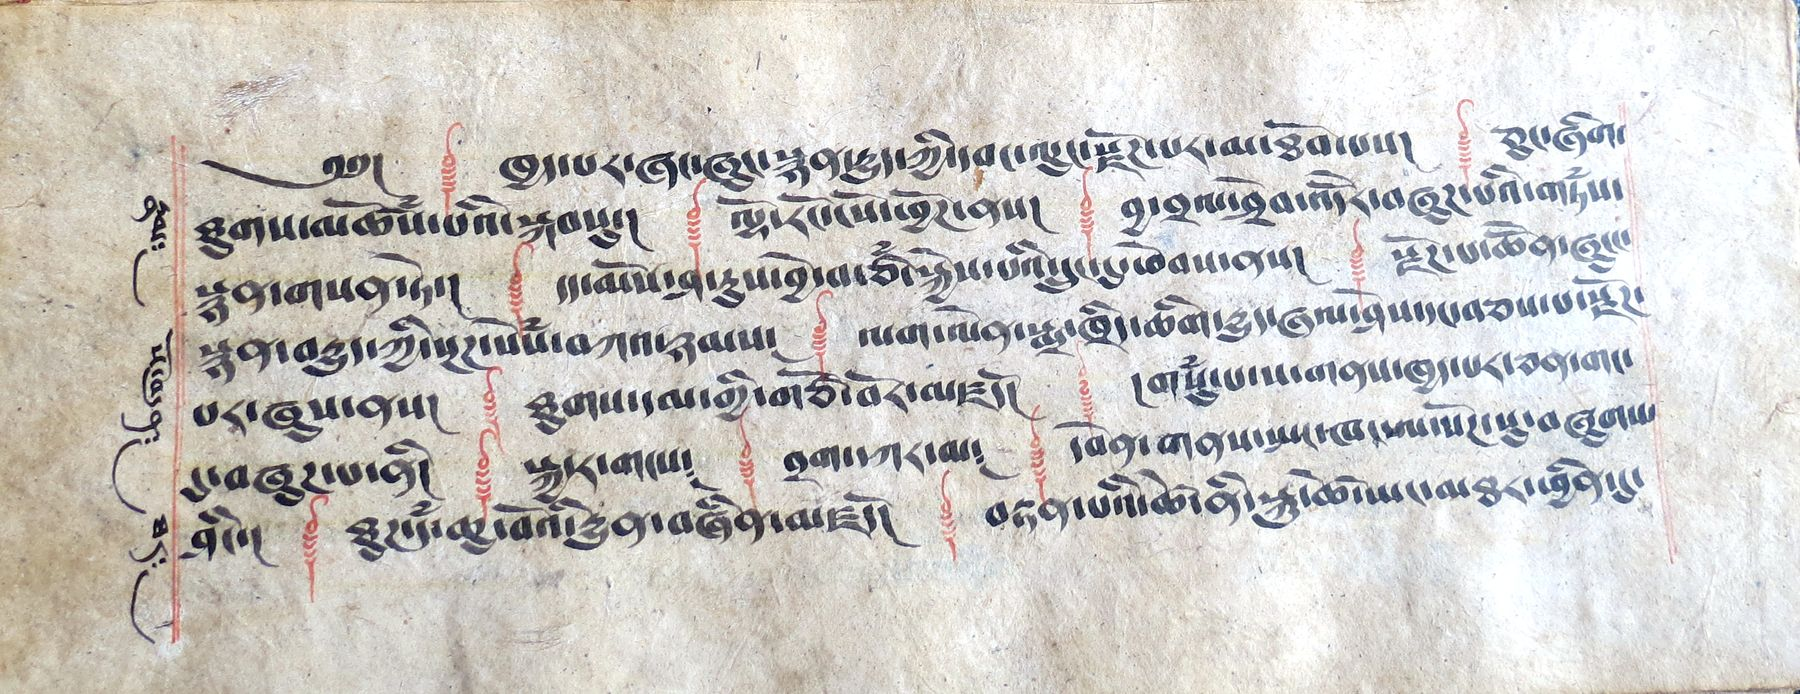ཁྱད་པར་ཞང་ཞུང་སྙན་རྒྱུད་ཀྱི་དབང་ལུང་རྫོགས་པར་མ་ཐོབ་པས། ཅུང་ཞིག་
ཐུགས་མཚམས་པའི་སྐབས་སུ། ལྷོ་རོང་ངོས་ཕྱོགས་ནས། བྱ་བྲལ་ཤེས་རབ་འོད་ཟེར་བཞུགས་པའི་གཏམ་
སྙན་གསན་ཏེ། དད་མོས་ཤ་རུས་བྱེ་བ་ཙམ་སྐྱེས་པའི་དྲུང་དུ་ཕེབས་ནས། རྫོགས་པ་ཆེན་པོ་ཞང་ཞུང་
སྙན་རྒྱུད་ཀྱི་སྔགས་སེམས་བཀའ་ཉམས། ལག་ལེན་སྨར་ཁྲིད་ཆིག་རྒྱུད་ཞལ་ཤེས་དང་བཅས་པ་རྫོགས་
པར་ཞུས་ནས་ཐུགས་དམ་གྱི་གཙོ་བོར་མཛད་དོ། ། གསུམ་པ་ས་གནས་ཁྱད་པར་ཅན་གང་
དུ་བཞུགས་པ་ནི། སྐྱ་ར་གངས། བྲག་དཀར་མ། དབེན་གནས་སྤང་ཀ ལ་སོགས་སུ་བཞུགས་
ཤིང་། ཐུགས་དམ་ཆུ་བོའི་རྒྱུན་བཞིན་མཛད་དོ། ། བརྟན་པའི་ཚེ་ནི་སྐུ་ཚེ་ཡང་མཐར་ཕྱིན་དུ་